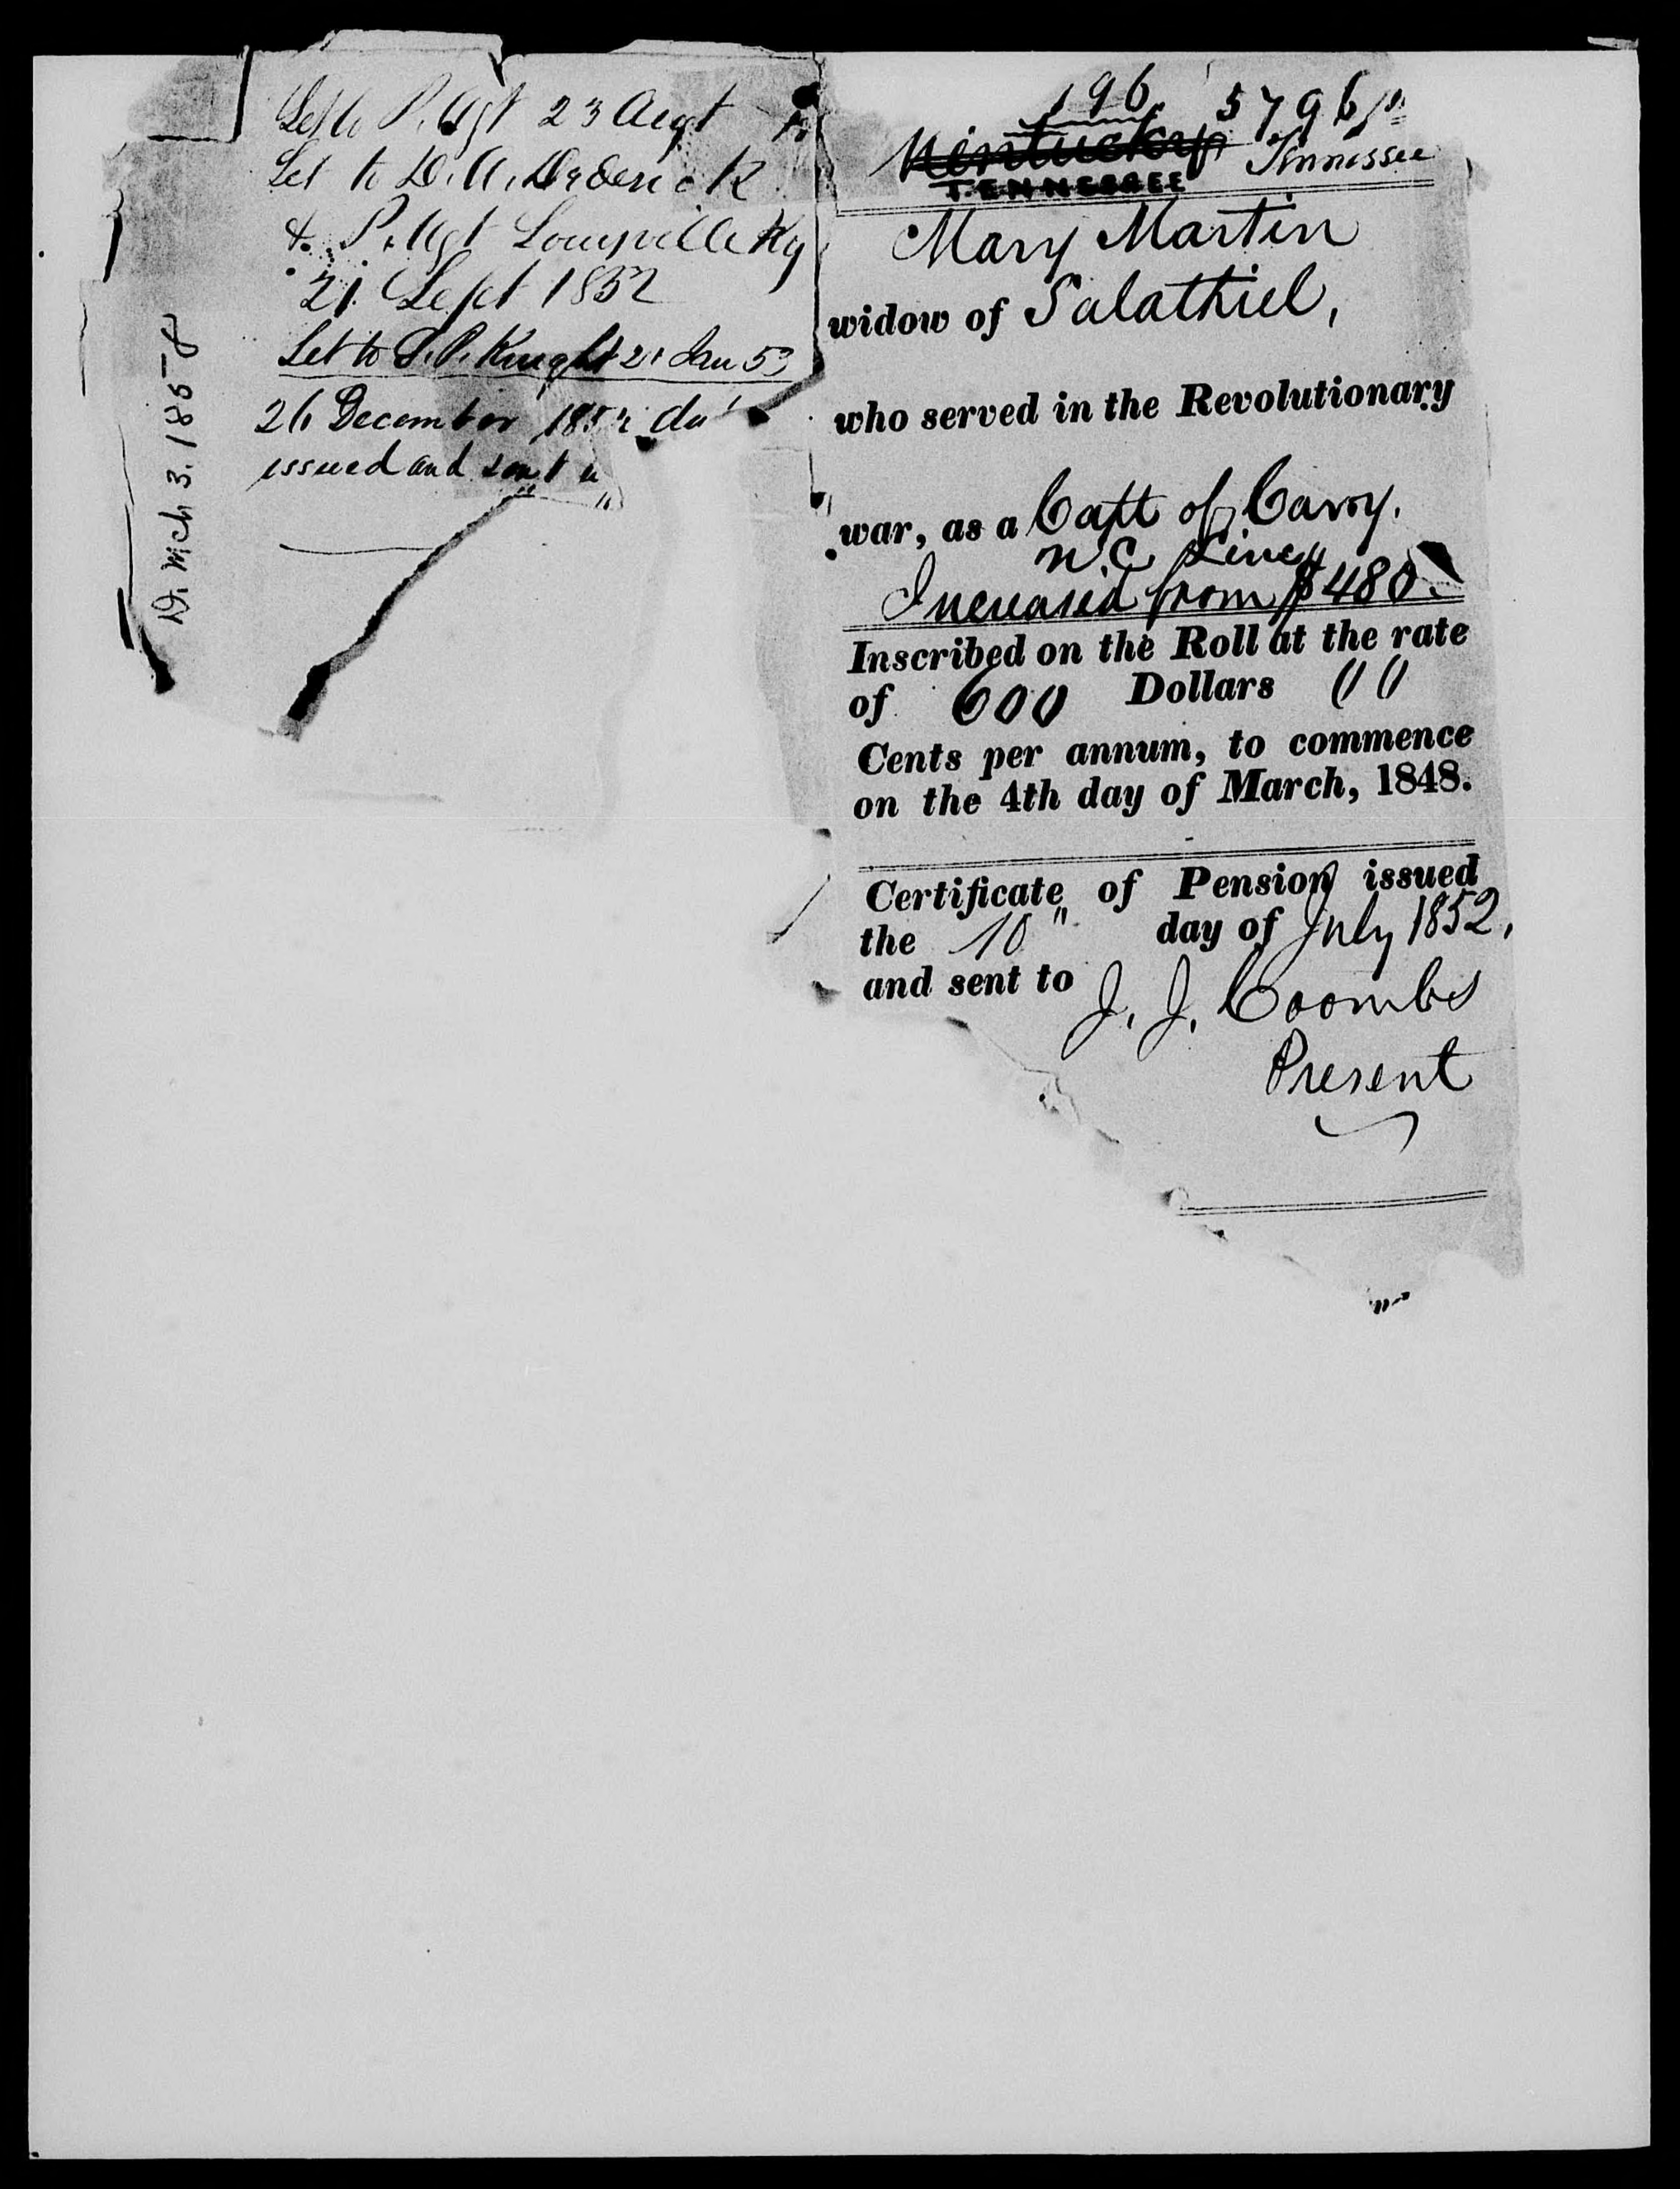[significant page damage] 
[written vertically on left side of page] 
D. Mch 3.1858 

[left side of page] 
Let to P. Agt 23 Augt 
Let to D. A. Daden o 12 
& P. Agt Louisville Ky 
21 Sept 1832 
Let to J.P. Knight 21 Jan 53 
26 December 185[page damage] 
issued and sent [page damage] 

[right side of page] 
196  5796 [illegible]
["Kentucky" and "TENNESSEE crossed out] 
Tennessee 

Mary Martin widow of Salathiel, 
who served in the Revolutionary 
war, as a Capt of Cavry, 
N.C Line 
Increased from $480 

Inscribed on the Roll at the rate 
of 600 Dollars 00 
Cents per annum, to commence 
on the 4th day of March, 1848. 

Certificate of Pension issued 
the 10th day of July 1852,
and sent to J. J. Coombs
Present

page: 2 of 120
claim: widow's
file: W. 1044, for Salathiel Martin, North Carolina